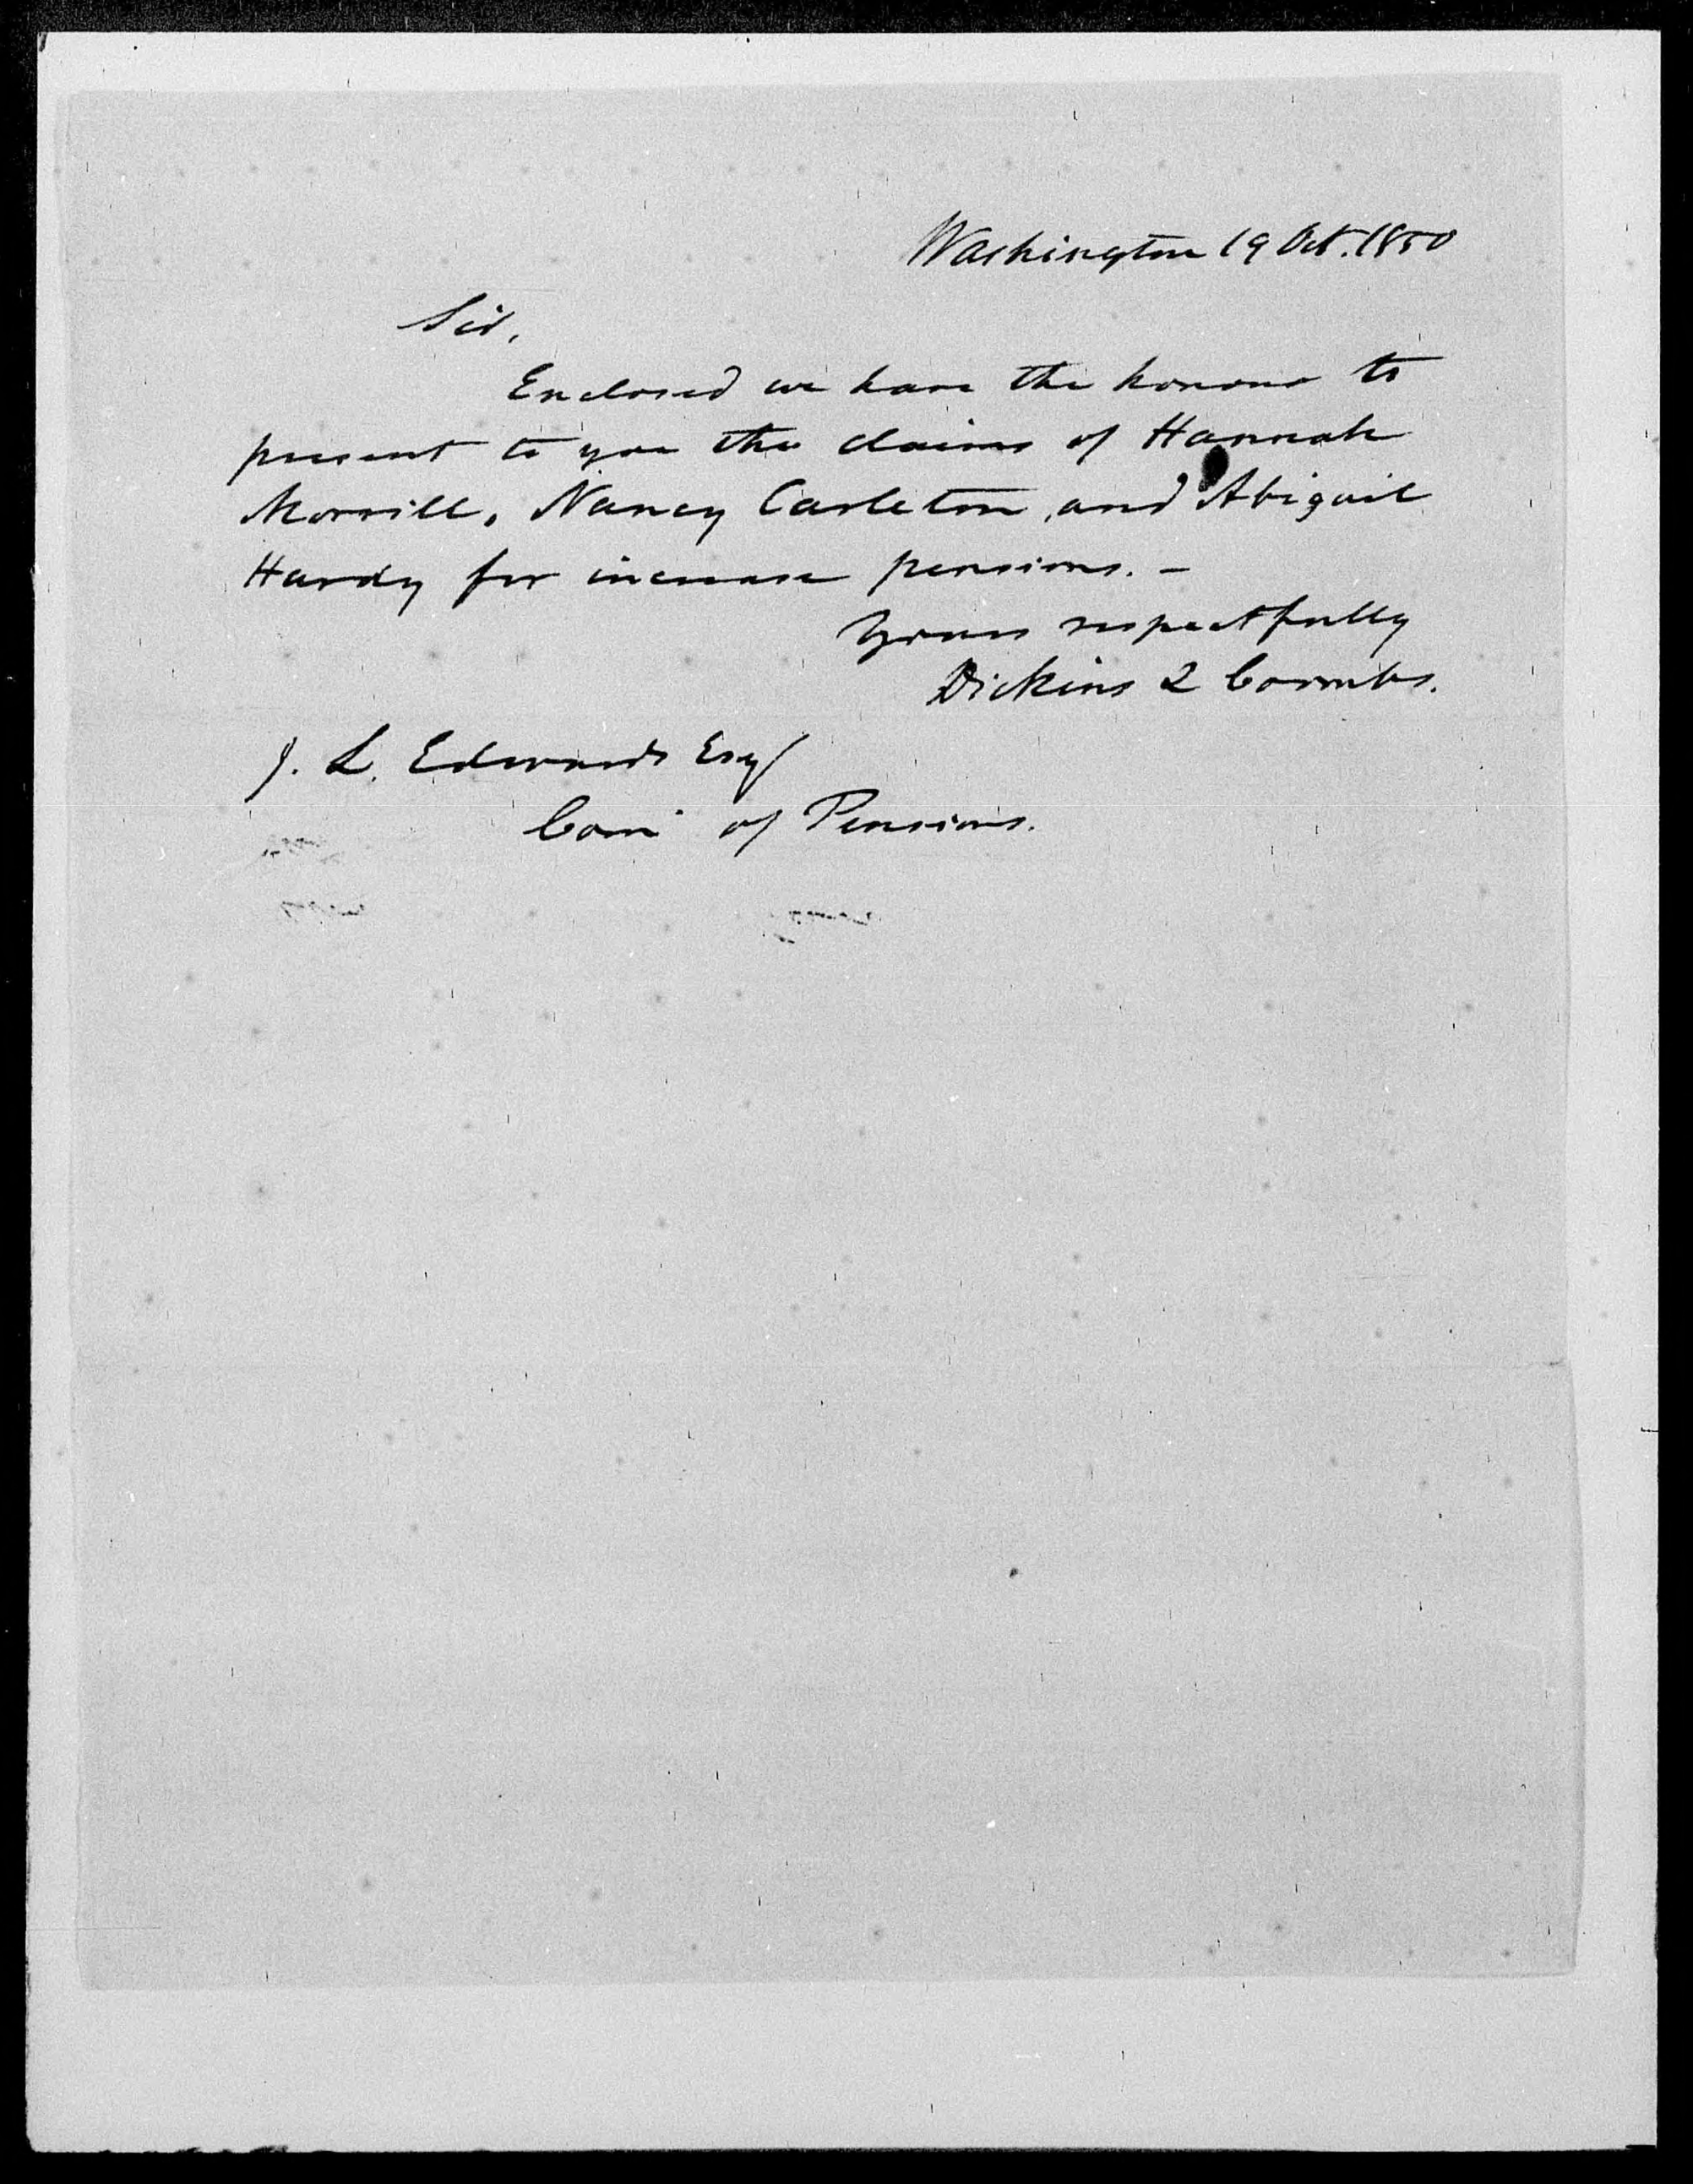Washington 19 Oct. 1850
Sir, Enclosed we have the honor to present to you the claim of Hannah Morrill, Nancy Carleton and Abigail Hardy for increase pensions 
Yours respectfully Dickens & Combs 
J. L. Edwards Esq Com of Pensions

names: Coombs, Nancy Carleton, Hannah Morrill, Abigail Hardy, Dickins, J L Edwards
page: 62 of 67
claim: widow's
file: W. 23183, Jesse Hardy, Mass.